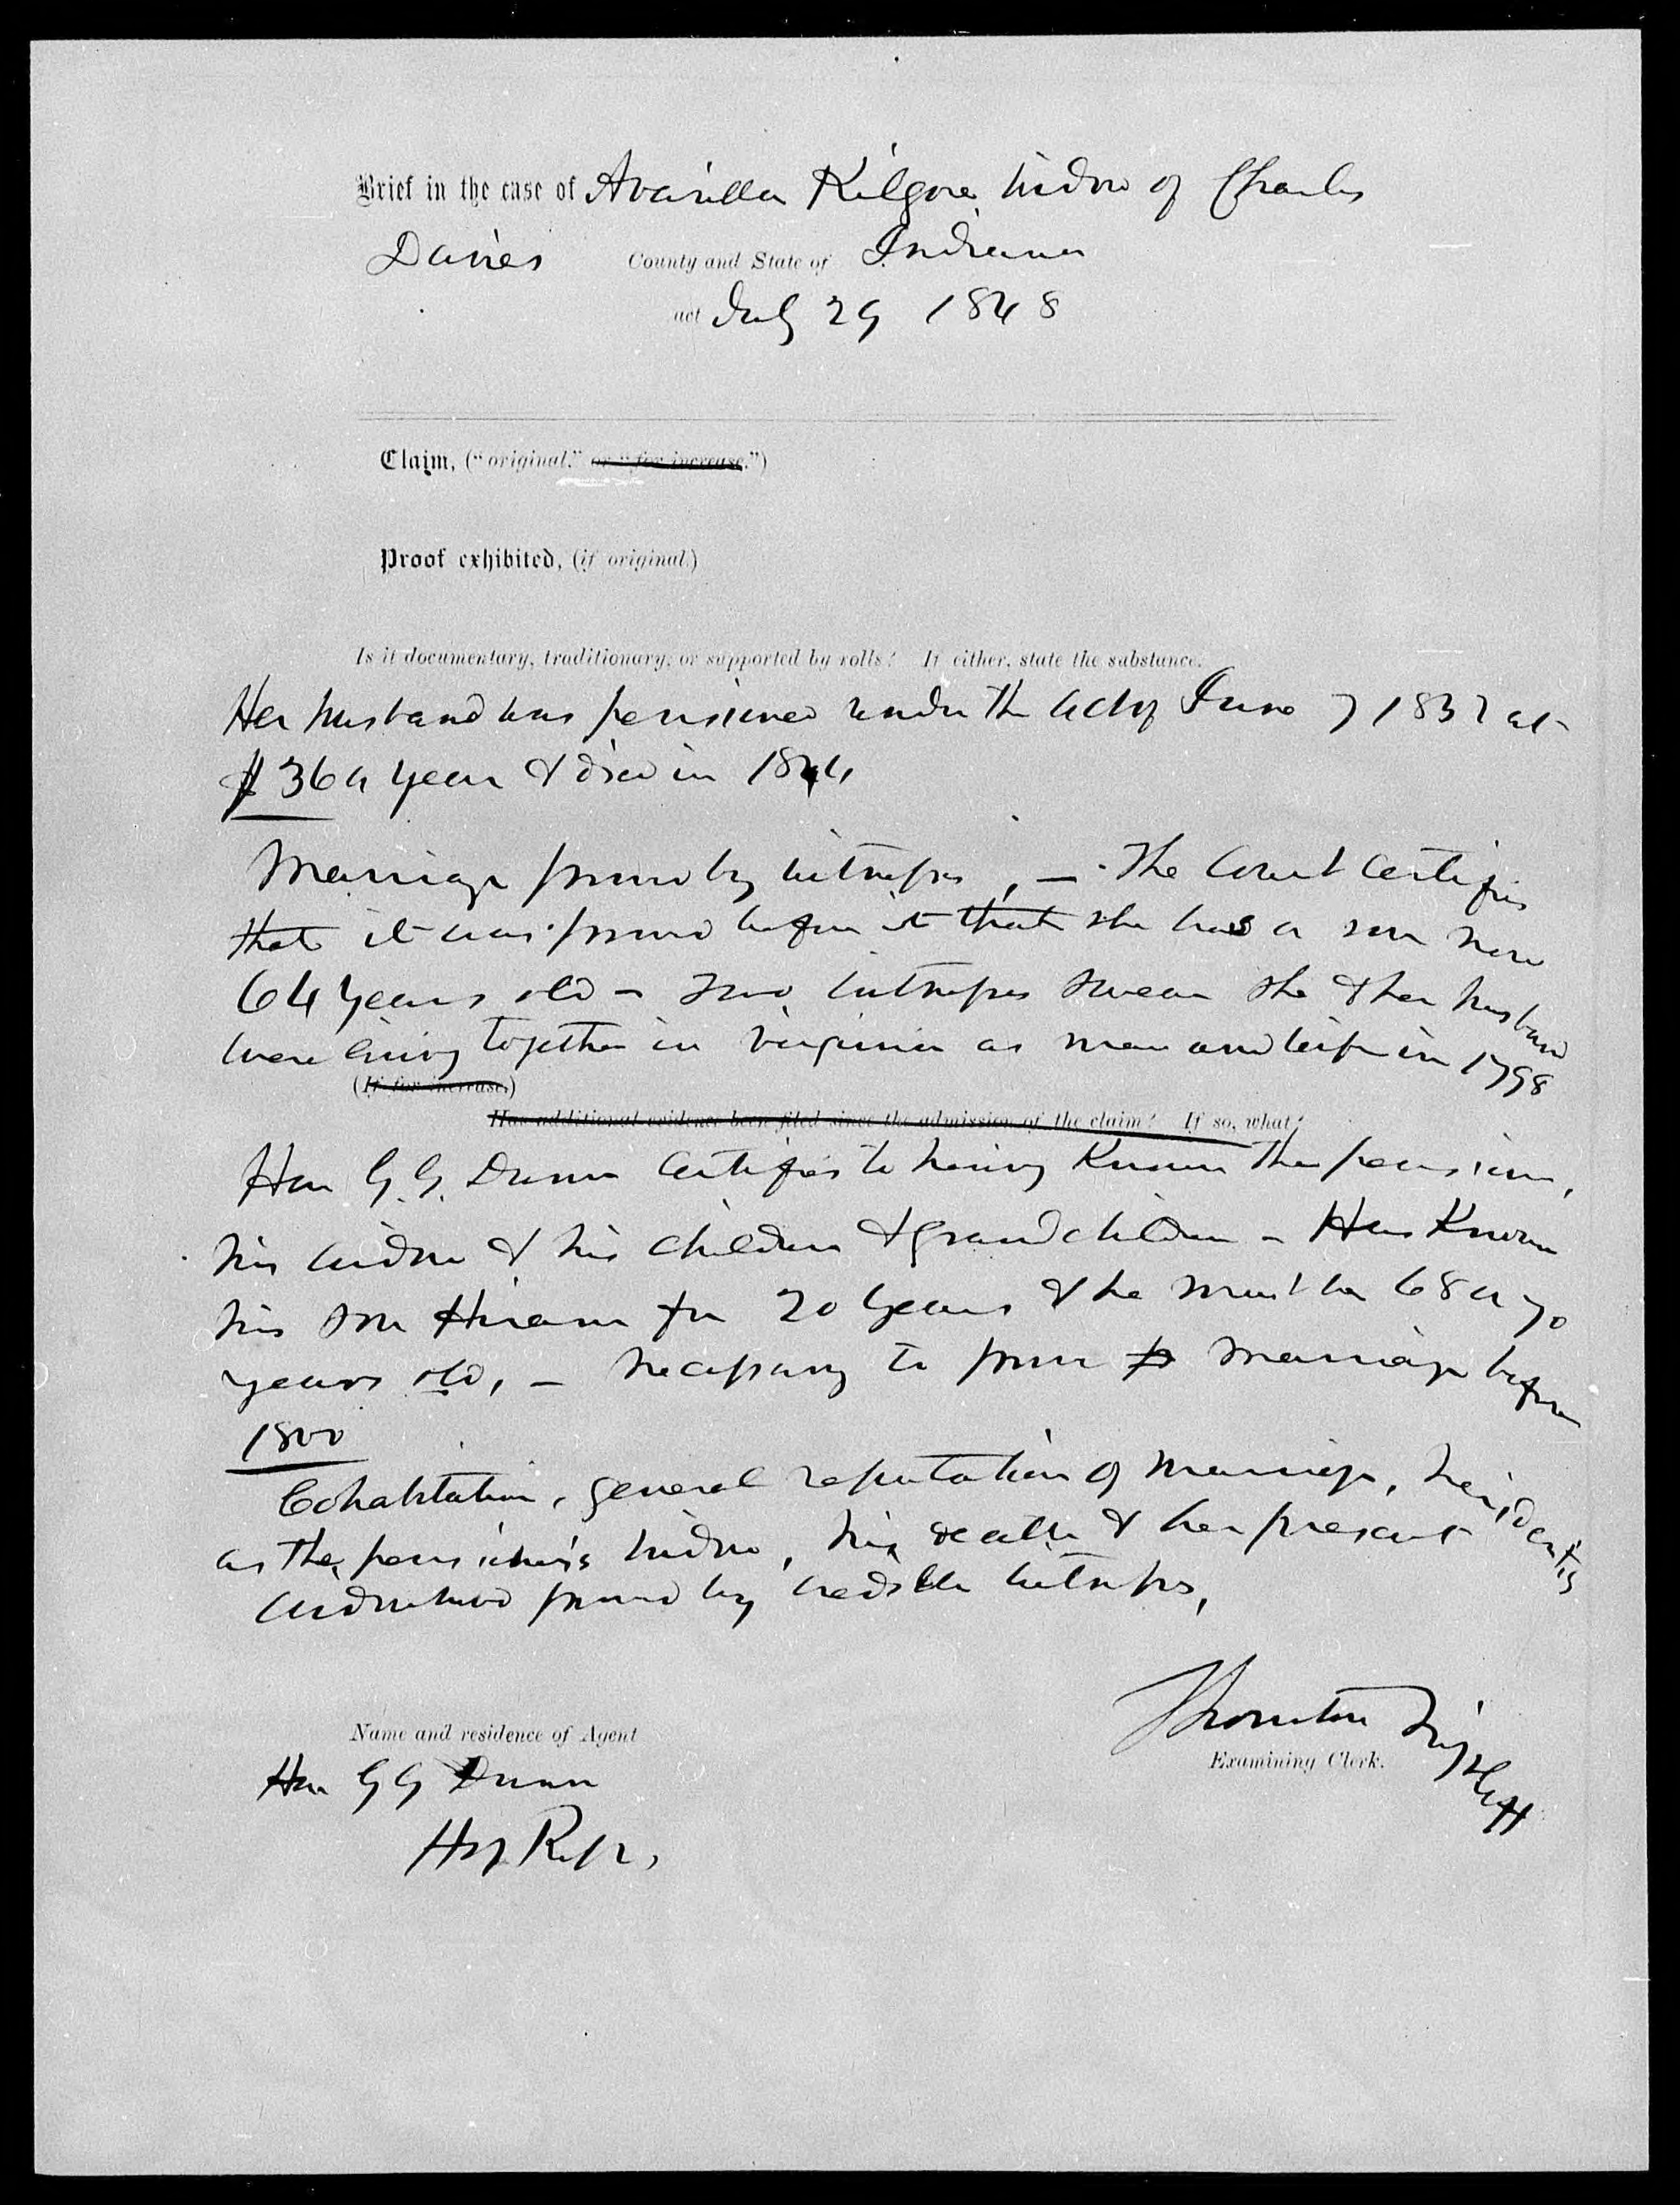Brief in the case of Avarilla Kilgore Widow of Charles
Davies County and State of Indiana
act July 29 1848
Claim, ("original." [crossed out: or "for increase".]) [BLANK]
Proof exhibited, (if original) [BLANK]
Is it documentary, traditionary, or supported by rolls? If either, state the substance.
Her husband was pensioned under the act of June 7 1832 at $36 year & died in 1844
Marriage proved by witnesses. The Court certifies that it was proved before it that she has a son now
64 years old - The witnesses swear she & her his were living together in Virginia as man and wife in 1788
[crossed out: (if for increase.) Has additional evidence been filed since the admission of the claim? If so, what?]
Hon G. G. Dunn Certifies to having known the pensioner, his widow & his children & grand children. Has known his son Hiram for 20 years & he must be 68 or 7 years old, - necessary to prove marriage before 1800
Cohabitation, general reputation of marriage, her ident is as the pensioner's widow, his death & her present widowhood proved by credible witnessses,
Thornton Triplett
Examining Clerk.

Name and residence of Agent
Hon G G Dunn
Hs Rep.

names: Thornton Triplett; Avarilla Kilgore; G G Dunn; Charles Kilgore; Hiram [BLANK]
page: 67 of 115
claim: survivor's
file: S. 699, for Charles Kilgore, Virginia